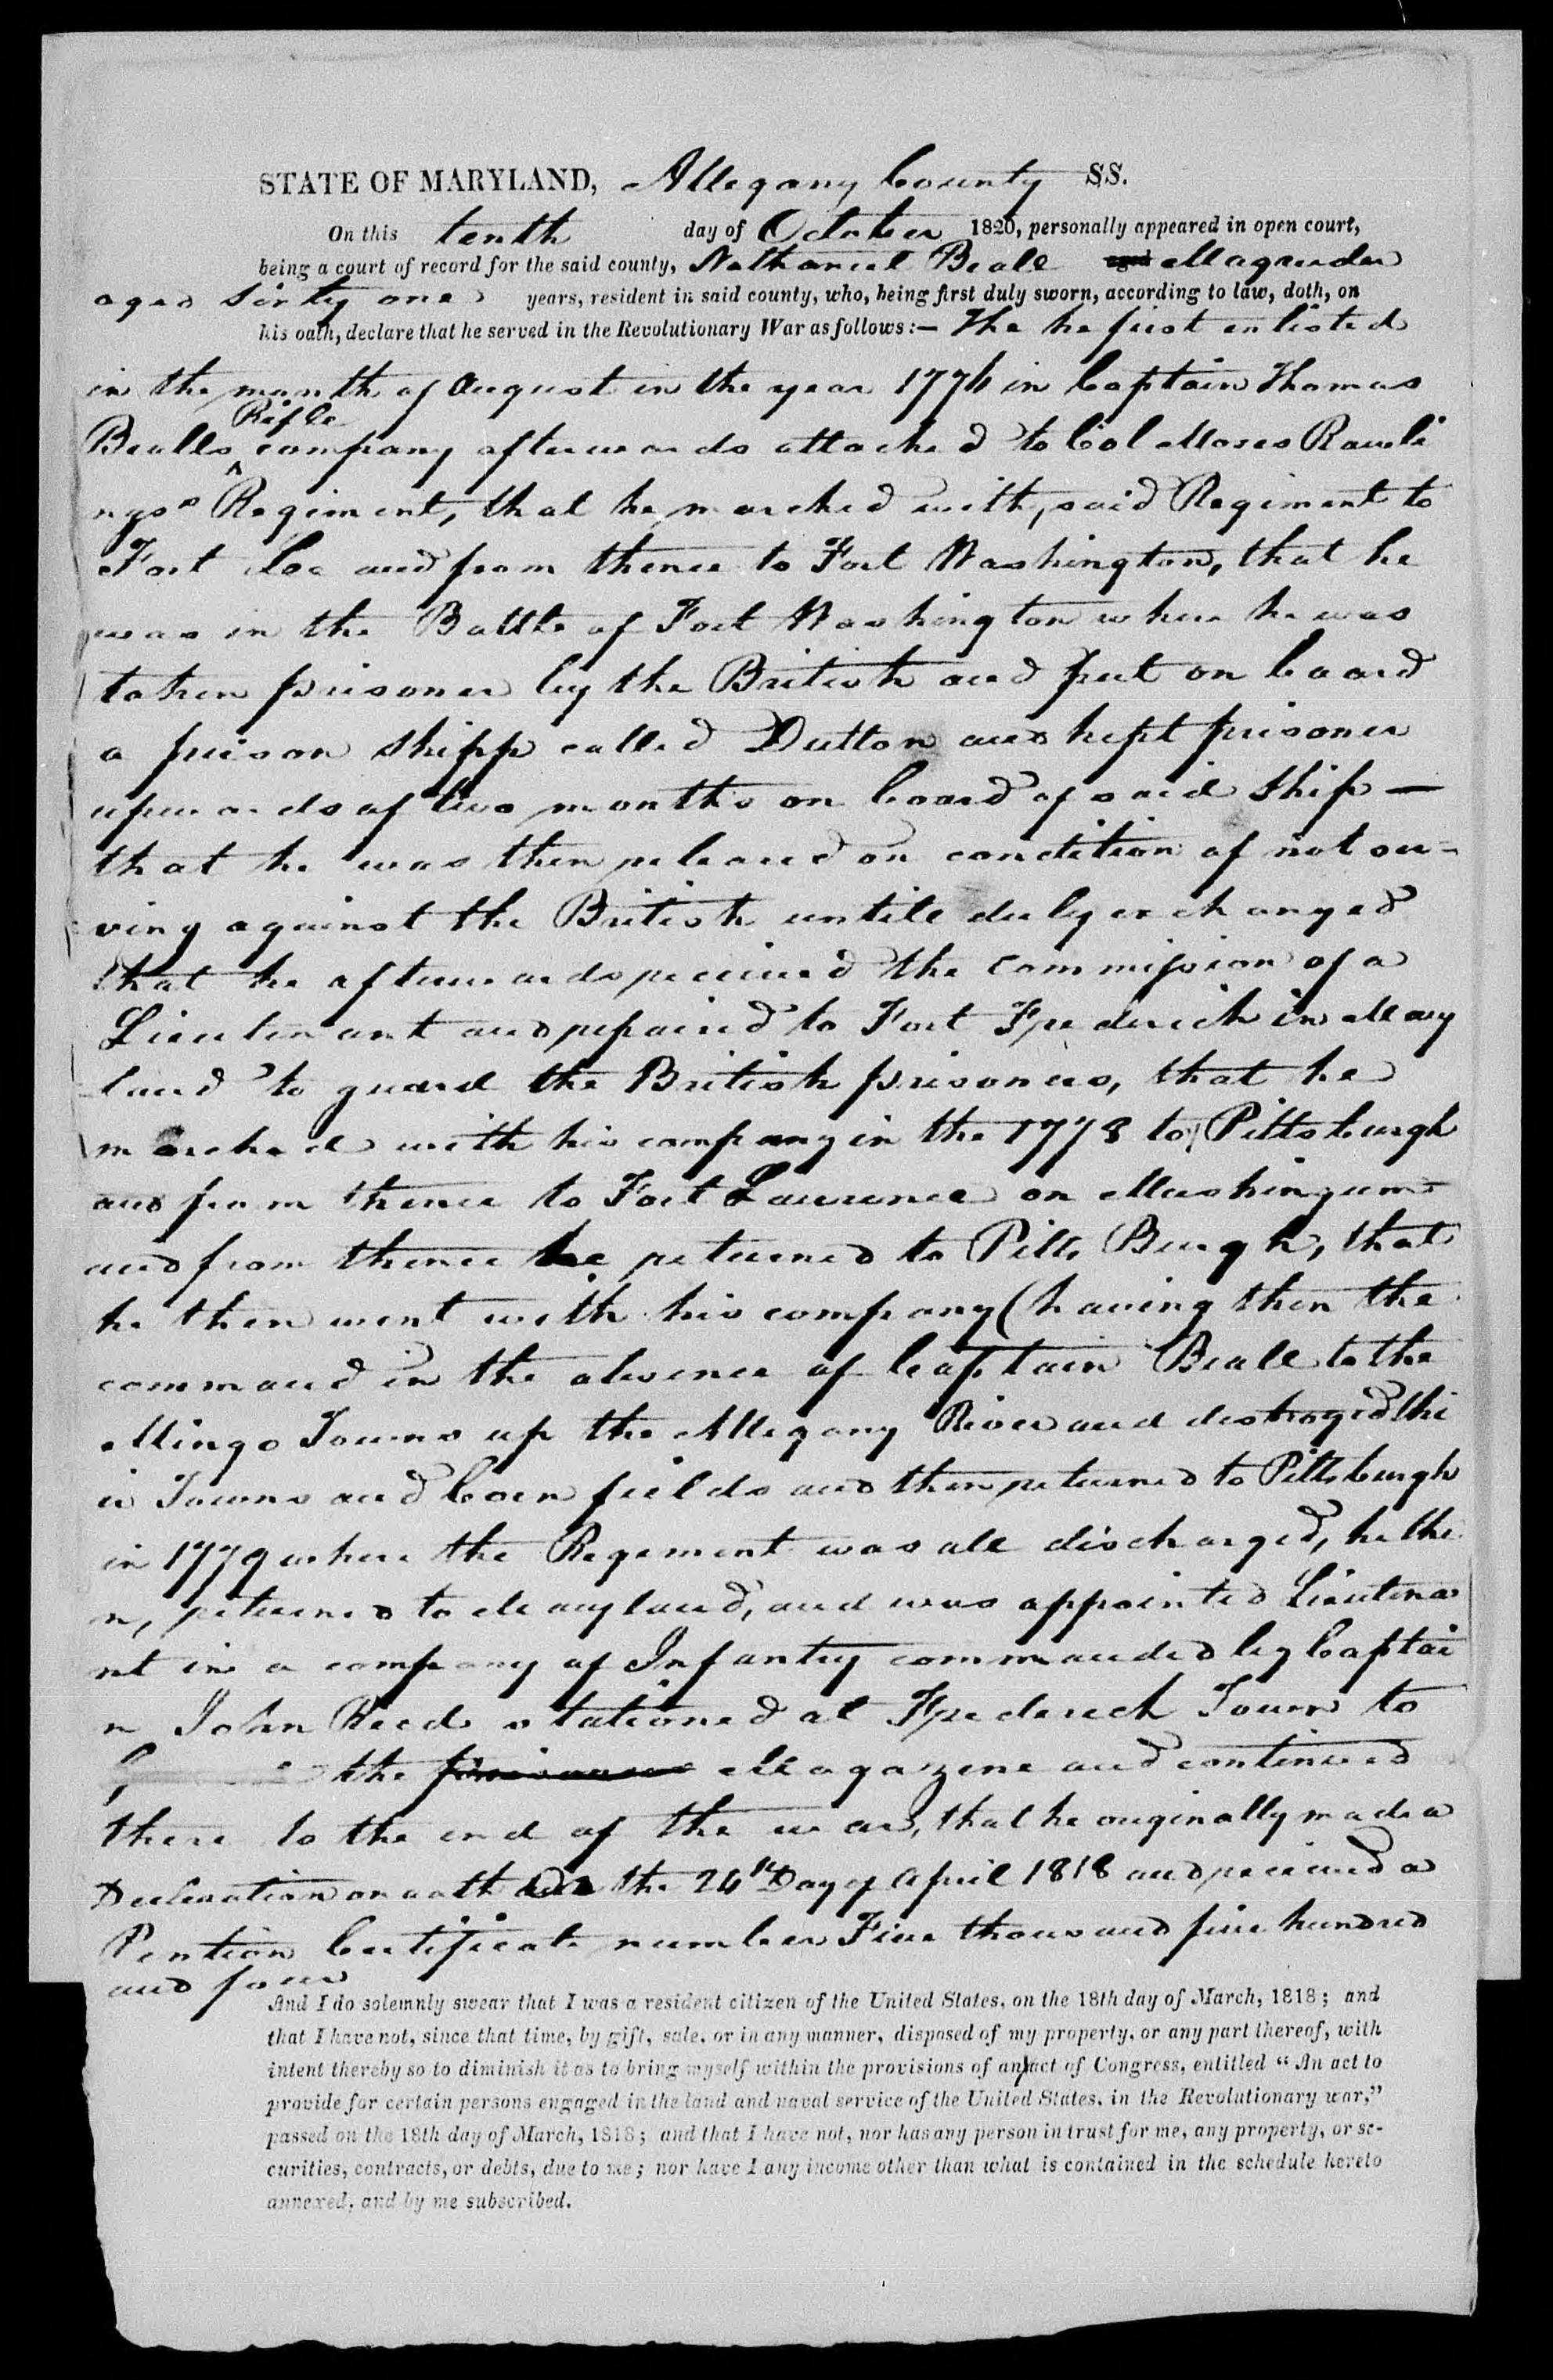STATE OF MARYLAND, Allegany County, SS.
 On this tenth day of October 1820, personally appeared in open court, being a court of record for the said county, Nathaniel Beale Magruder aged Sixty one years, resident in said county, who, being first duly sworn, according to law, doth, on his oath, declare that he served in the Revolutionary War as follows: When he first enlisted in the month of August in the year 1776 in Captain Thomas Beall's Rifle company afterwards attached to Col. Moses Raulings' Regiment, that he marched with said Regiment to Fort Lee and from thence to Fort Washington, that he was in the Battle of Fort Washington where he was taken prisoner by the British and put on board a prison shipp called Dutton and kept prisoner upwards of two months on board of said ship - that he was then released on condition of not ?serving against the British until duly exchanged & that he afterwards received the commission of a Lieutenant and repaired to Fort Frederick in Maryland to guard the British prisoners, that he marched with his company in the 1778 to Pittsburgh and from thence to Fort Lawrence on Washington and from thence he returned to Pittsburgh, that he then went with his company (having then the command in the absence of Captain Beale to the Mingo Towns up the Allegany River and destroyed those Towns and corn fields and then returned to Pittsburgh in 1777 where the Regiment was all discharged. He then returned to Maryland, and was appointed Lieutenant in a company of Infantry commanded by Captain John Reed stationed at Frederick Town to the Magazine  and continued there to the end of the war, that he originally made a Declaration on oath the 26th day of Apri 1818 and received a Pention Certificate number Five thousand five hundred and four.
And I do solemnly swear that I was a resident citizen of the United States, on the 18th day of March, 1818; and that I have not, since that time, by gift, sale, or in any manner, disposed of my property, or any part thereof, with intent thereby so to diminish it as to bring myself within the provisions of an act of Congress, entitled "An act to provide for certain persons engaged in the land and naval service of the United States, in the Revolutionary war," passed on the 18th day of March, 1818; and that I have not, nor has any person in trust for me, any property, or securities, contracts, or debts, due to me; nor have I any income other than what is contained in the schedule hereto annexed, and by me subscribed.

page: 8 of 13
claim: survivor's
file: S. 34973, for Nathaniel Beale Magruder, Maryland